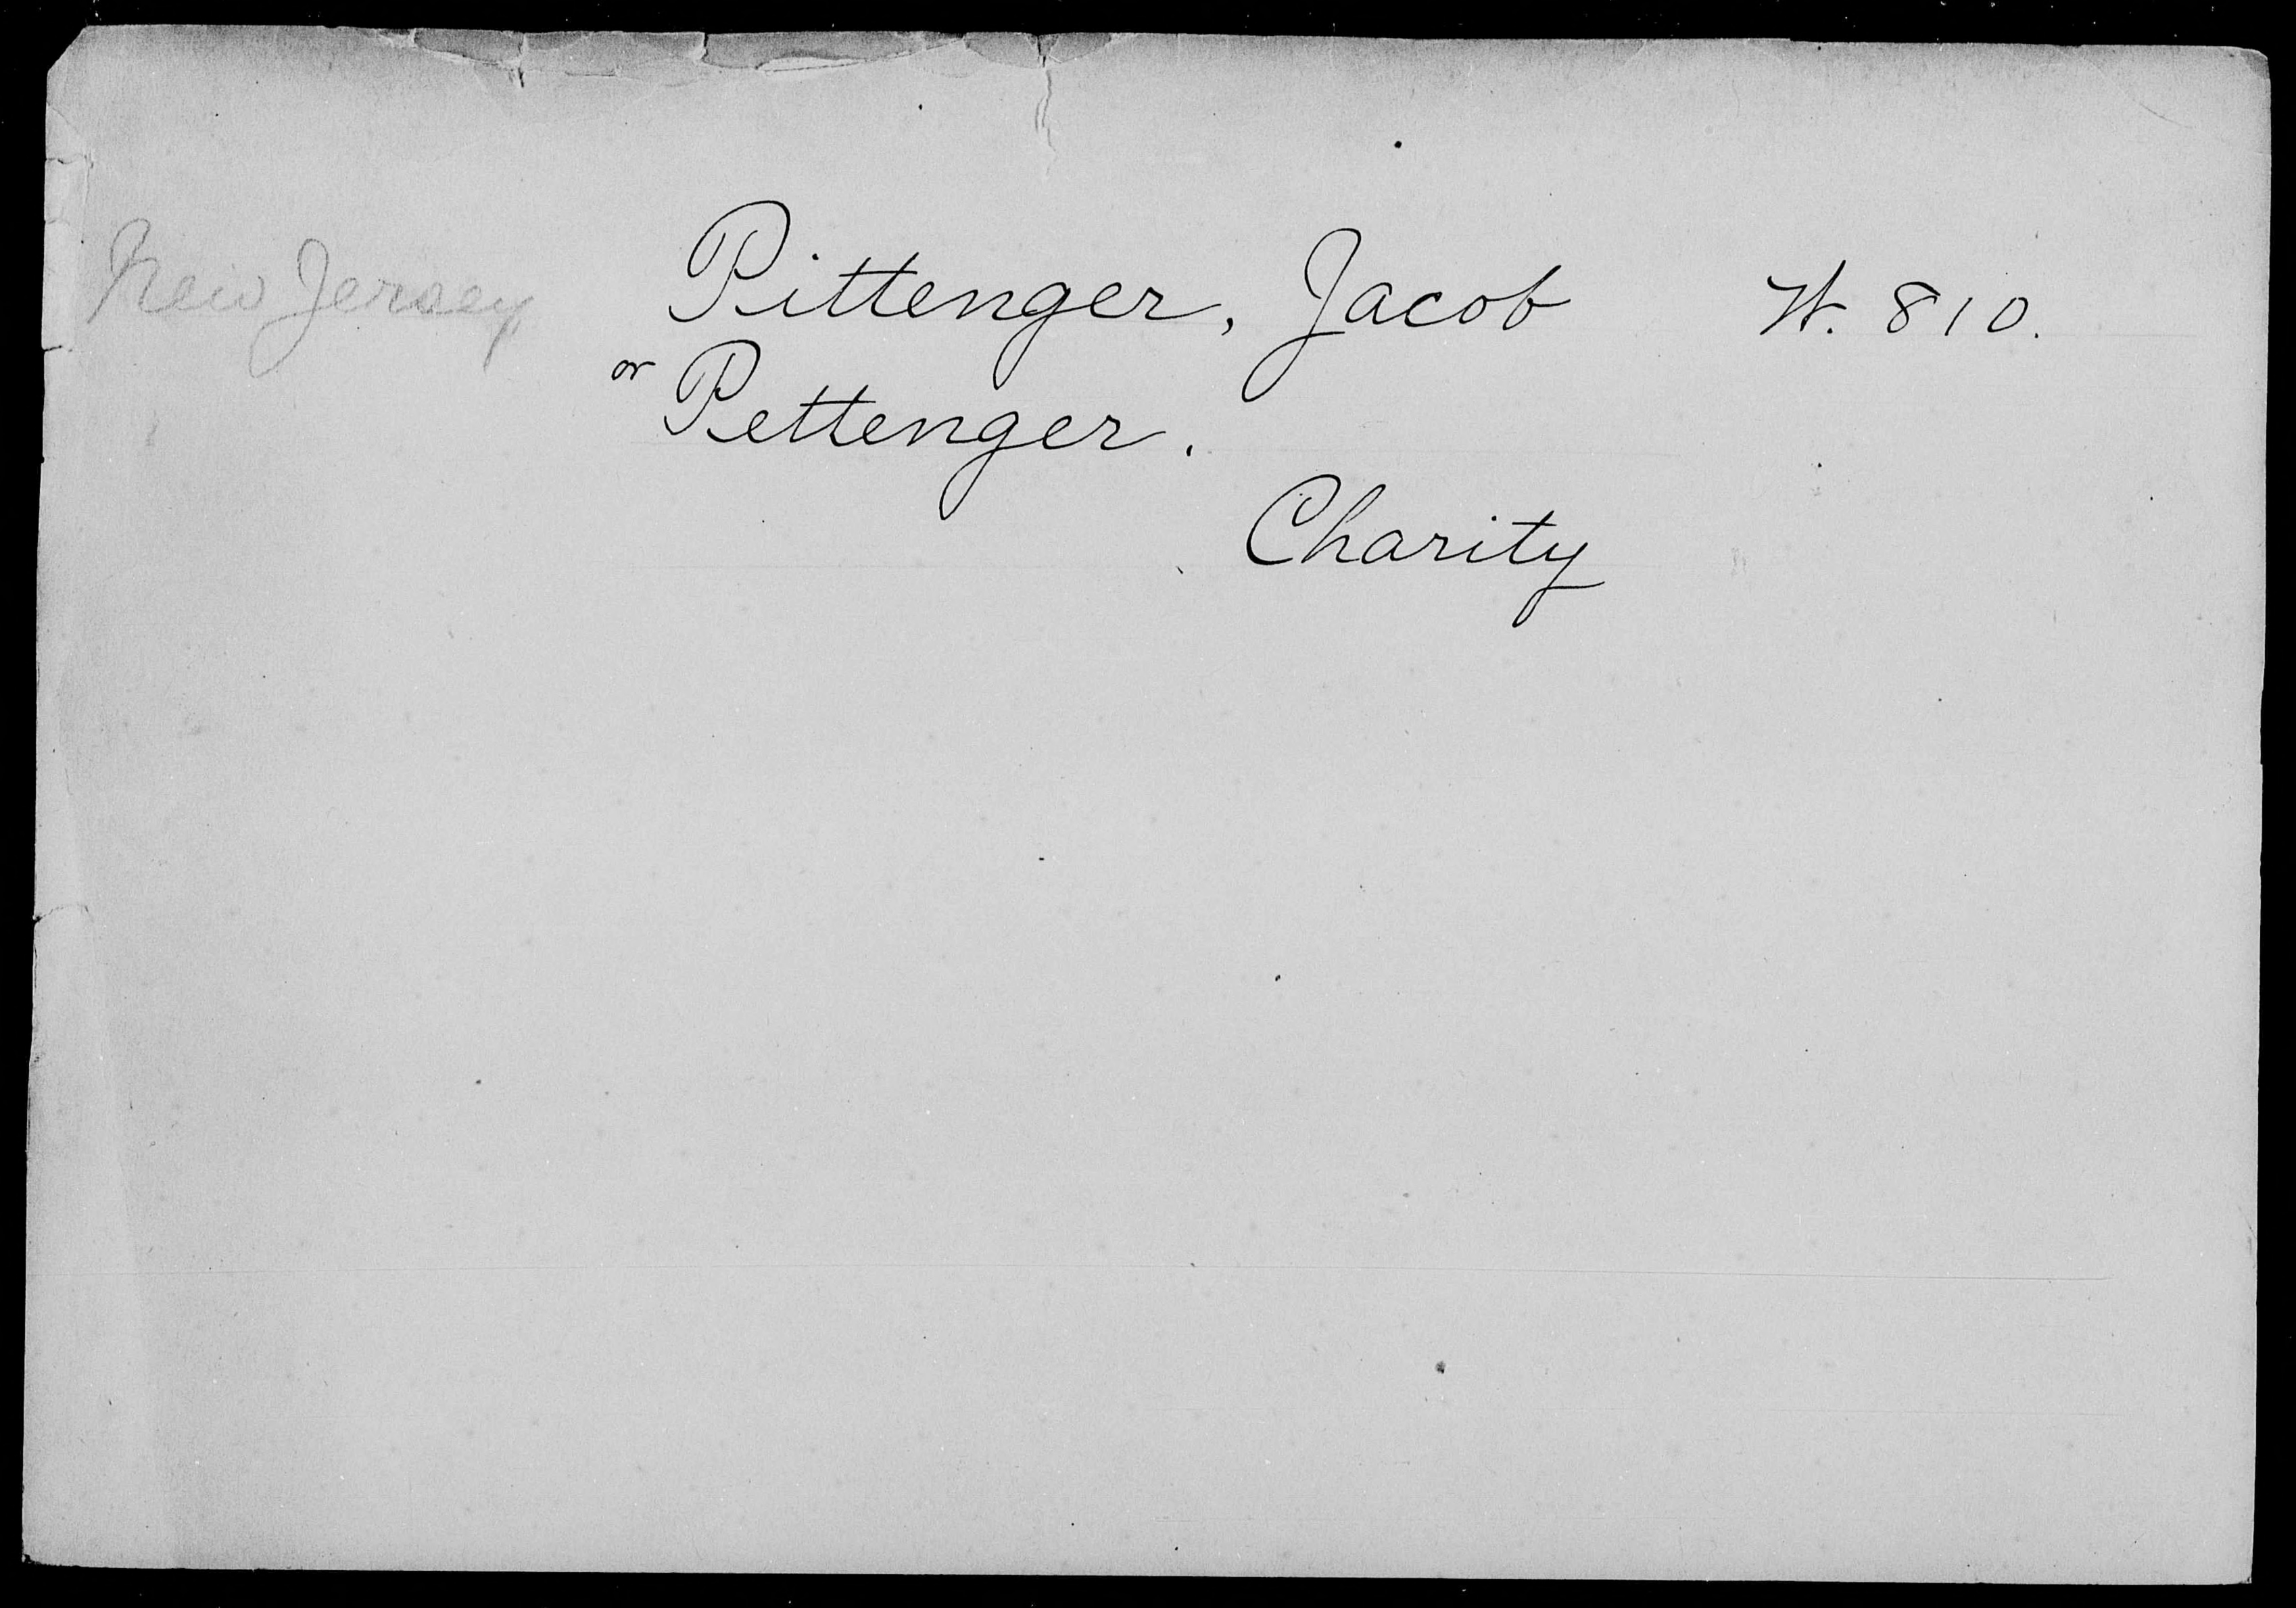New Jersey
Pittenger, Jacob
Pettenger

W.810

Charity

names: Jacob Pettenger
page: 1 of 1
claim: widow's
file: W. 810, for Jacob Pittenger, New Jersey